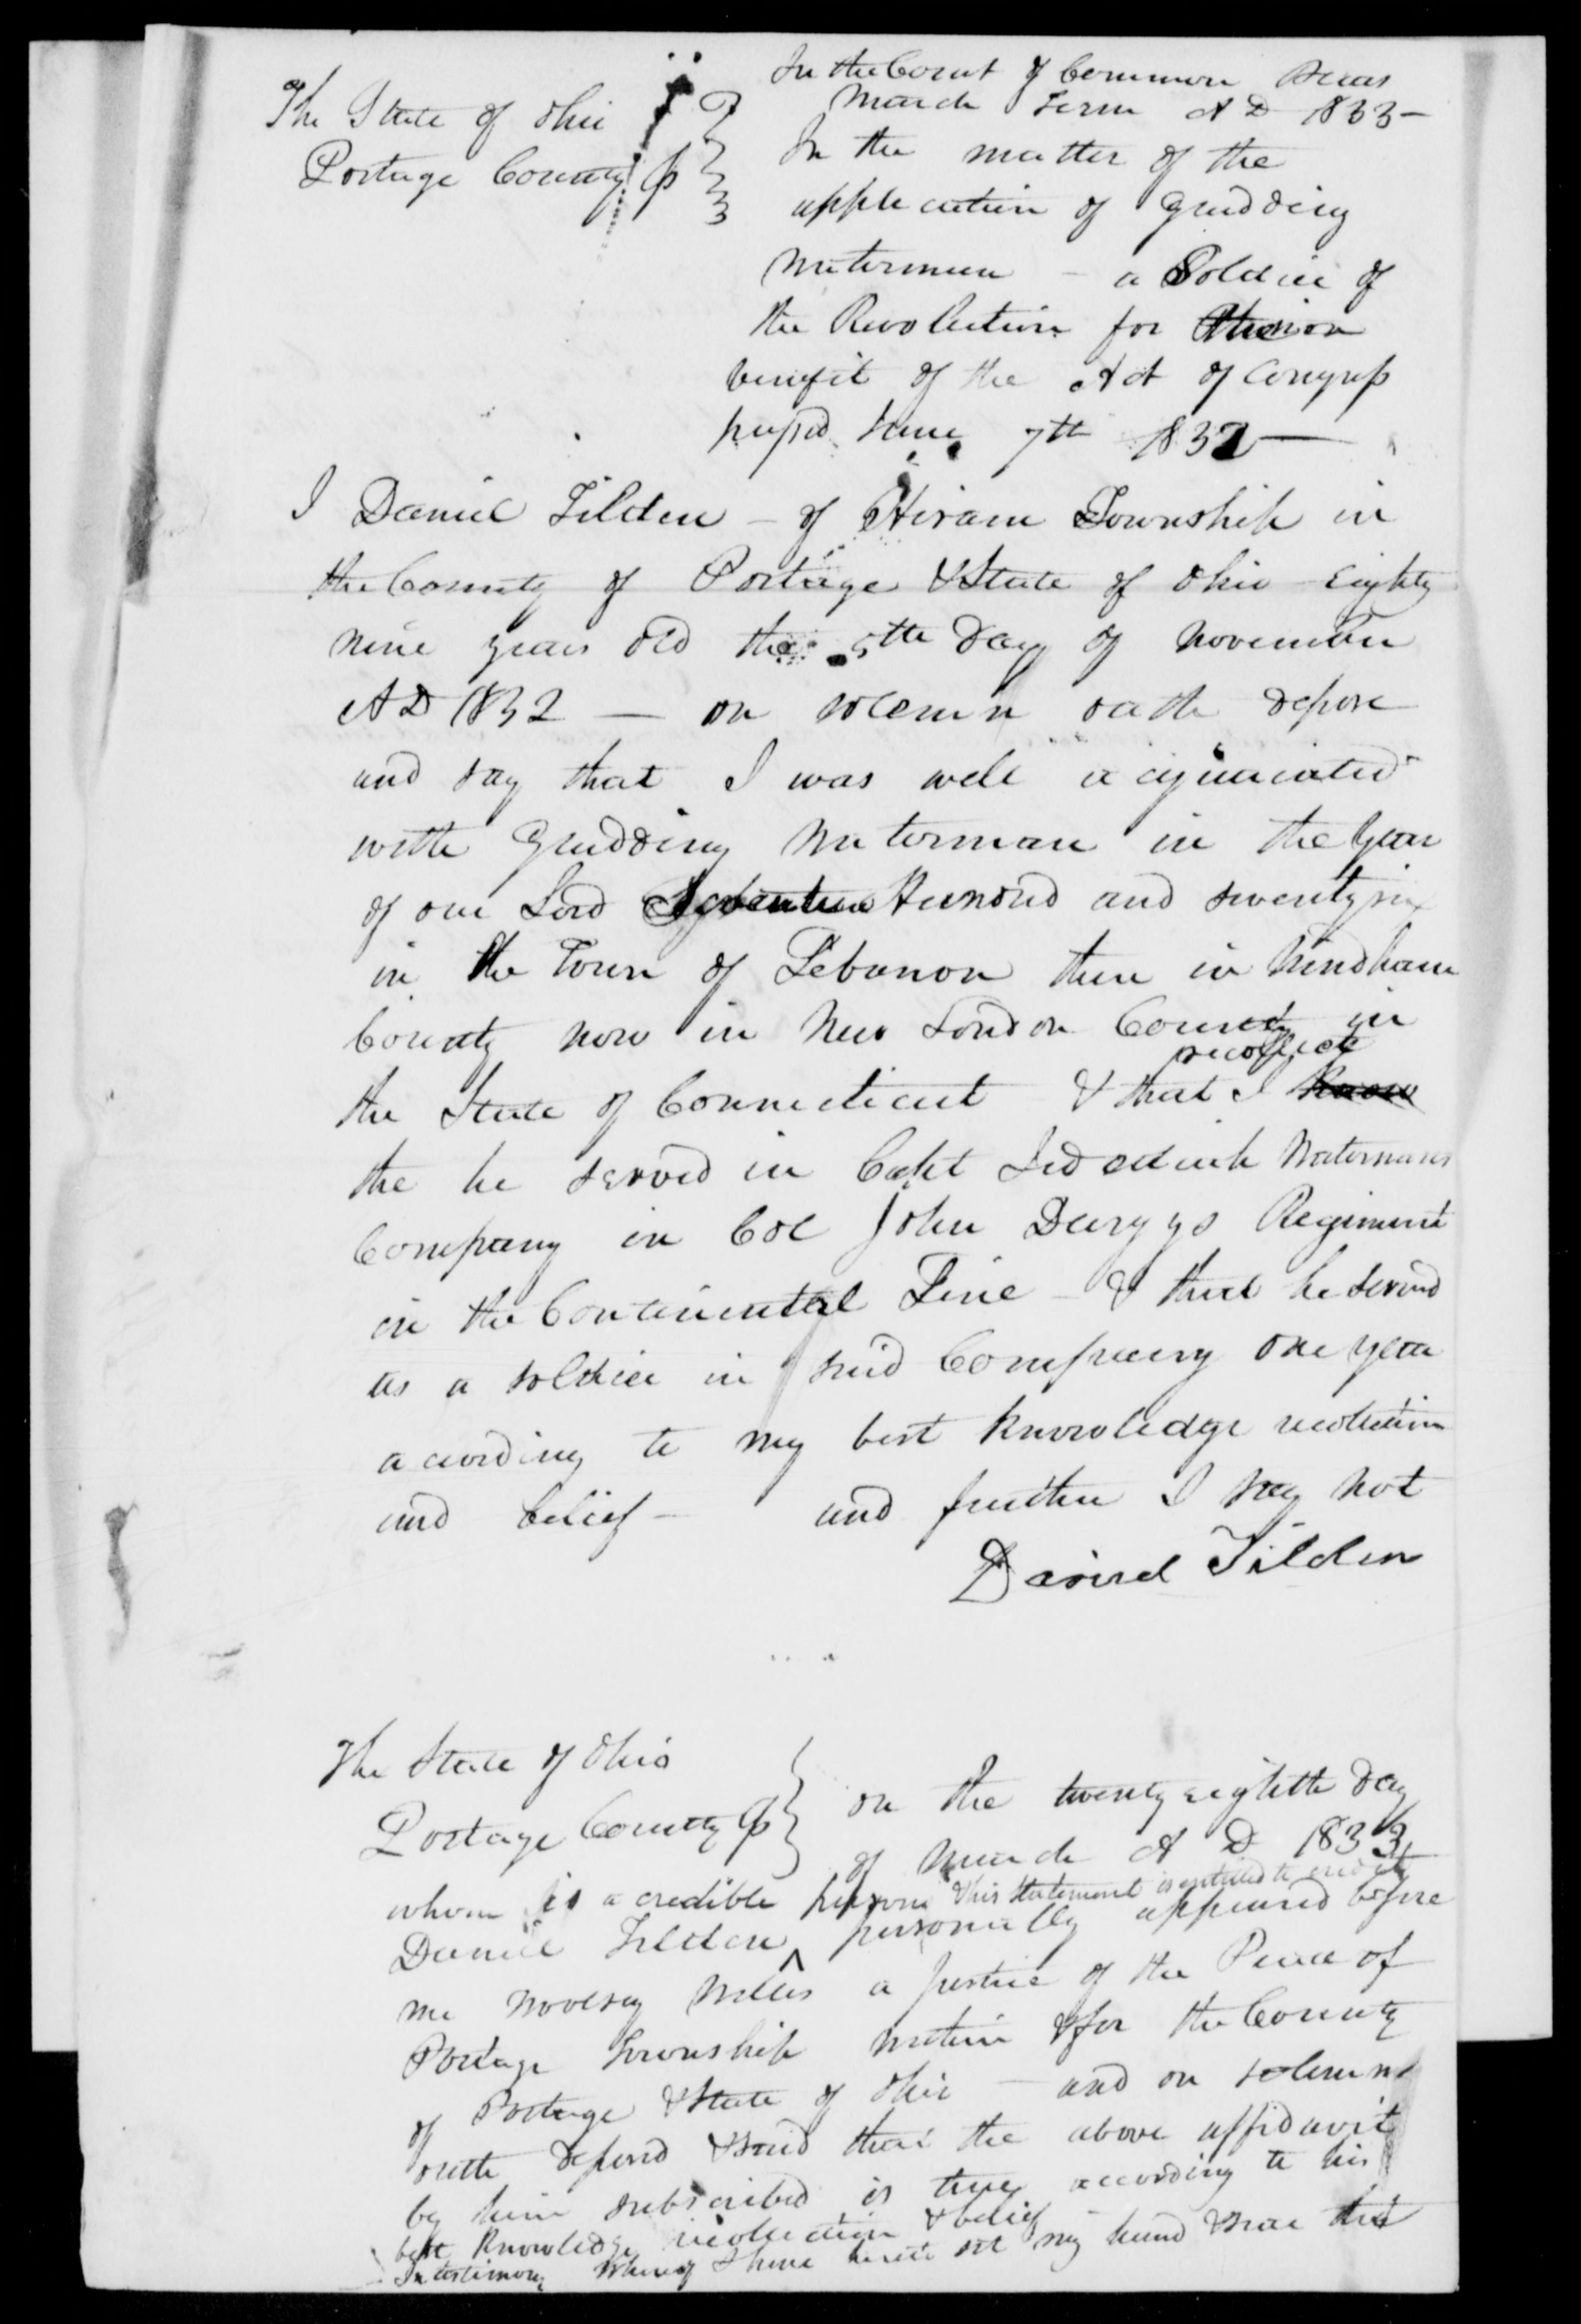The State of Ohio}
Portage County} ss

In the Court of Common Pleas March Term AD 1833.
In the matter of the application of Gladding Waterman, a Soldier of the Revolution, for benefit of the Act of Congress passed June 7th 1832.

I, Daniel Tilden of Hiram Township in the County of Portage & State of Ohio, eighty nine years old the 5th day of November AD 1832, on solemn oath depose and say that I was well acquainted with Gladding Waterman in the year of our Lord [illegible] Hundred and seventy-six in the Town of Lebanon then in Windham County now in New London County in the State of Connecticut and that I recollect he served in Capt Jedediah Waterman's Company in Col John Durggs Regiment in the Continental Line & that he served as a soldier in said Company one year according to my best knowledge, recollection and belief and further I say not.
Daniel Tilden

The State of Ohio}
Portage County ss}
On the twenty eighth day of March A D 1833
Daniel Tilden, whom is a credible person & his statement is entitled to credit, personally appeared before me, Woolsey Welles, a Justice of the Peace of Portage Township within and for the County of Portage & State of Ohio, and on solemn oath deposed & said that the above affidavit by him subscribed is true according to his best knowledge, recollection & belief. In testimony whereof I have hereto set my hand & seal this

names: Daniel Tilden, Gladding Waterman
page: 31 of 50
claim: widow's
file: W. 15814, Glading Waterman, Conn. Conn. Sea Service Continental